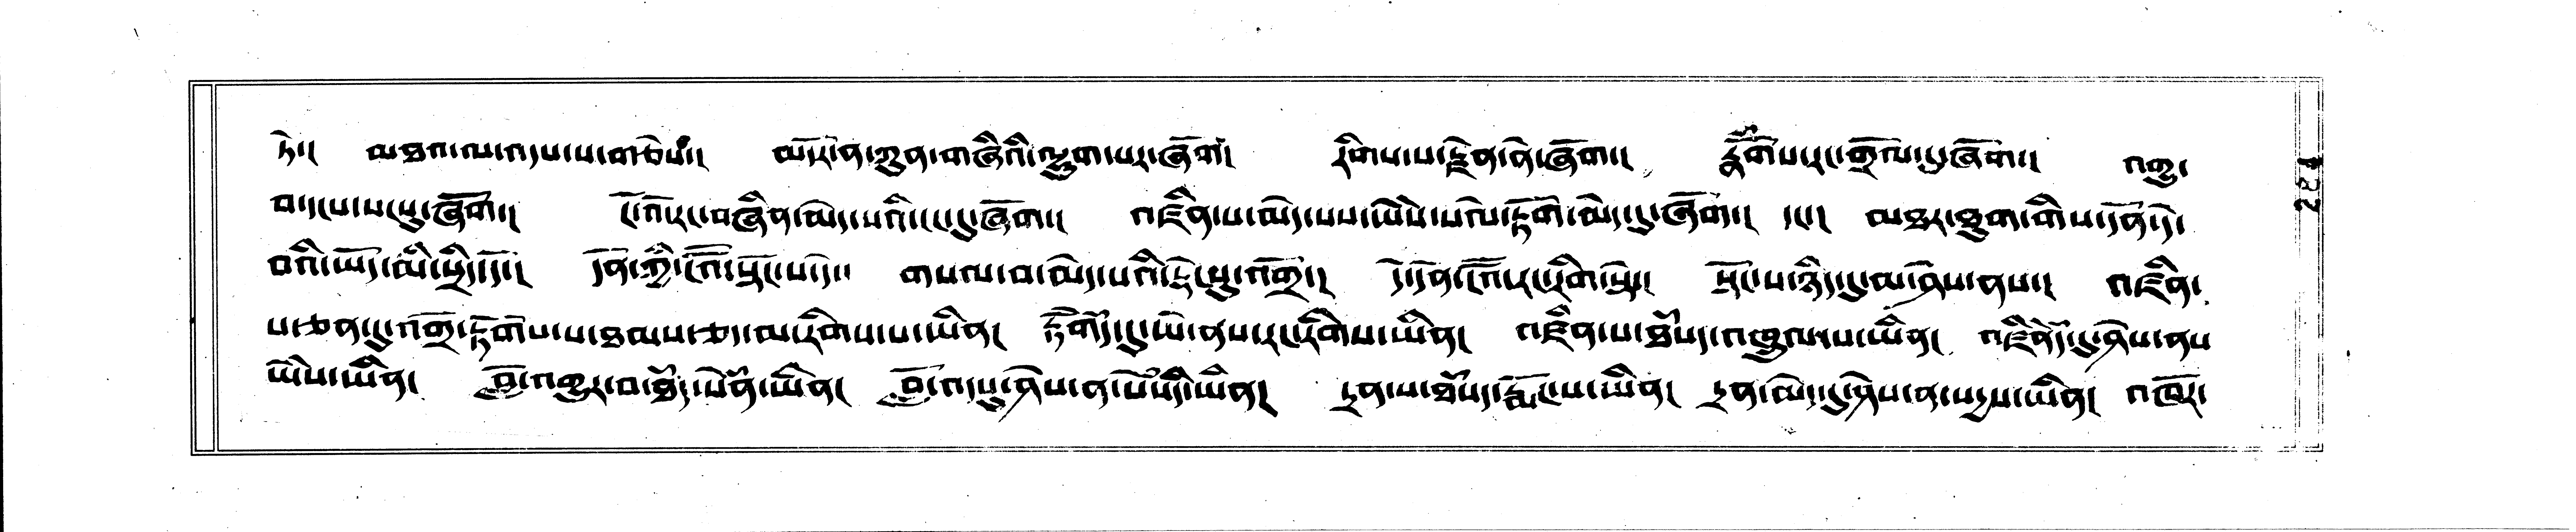ཏེ། མཐའ་ལས་འདས་པ་གཅེས། མདོར་ན་ཀུན་གཞི་ལྷུག་པར་ཞོག རིག་པ་རྗེན་པར་ཞོག རྣམ་རྟོག་རང་གྲོལ་དུ་ཞོག འགྱུ་
བ་རང་སངས་སུ་ཞོག ངོའོ་རང་བཞིན་མེད་པའི་ངང་དུ་ཞོག འཛིན་པ་མེད་པའི་ཡེ་ཤེས་སལེ་རྟོག་མེད་དུ་ཞོག་དང་། མཐར་ཐུག་ཀྱིས་དོན་དེ་
བེས་ཡོད་པར་མི་སྲིད་དོ། དོན་གྱིས་ངོའོ་སྟོང་པ་སྟེ། གསལ་བ་མེད་ན་ལྡིང་དུ་འགྲོ། དོན་གྱིས་ངོའོ་རང་རིག་སྟེ། སྟོང་པ་ཉིད་དུ་མ་ཤེས་ན་འཛིན་
པ་ཅན་དུ་འགྲོ། རྟོག་པ་ཐམས་ཅད་མ་རིག་ཡིན། རྟོག་མེད་དུ་ཤེས་ན་རང་རིག་ཡིན། འཛིན་པ་ཐམས་ཅད་འཁྲུལ་པ་ཡིན། འཛིན་མེད་དུ་ཤེས་ན་
ཡེ་ཤེས་ཡིན། བློ་འགྱུ་བ་ཐམས་ཅད་སེམས་ཅན་ཡིན། བློ་འདས་སུ་ཤེས་ན་སེམས་ཉིད་ཡིན། དྲན་པ་སྣ་ཚོགས་རྨོངས་པའི་སེམས། དྲན་མེད་དུ་ཤེས་ན་སངས་རྒྱས་ཡིན། འཁོར་